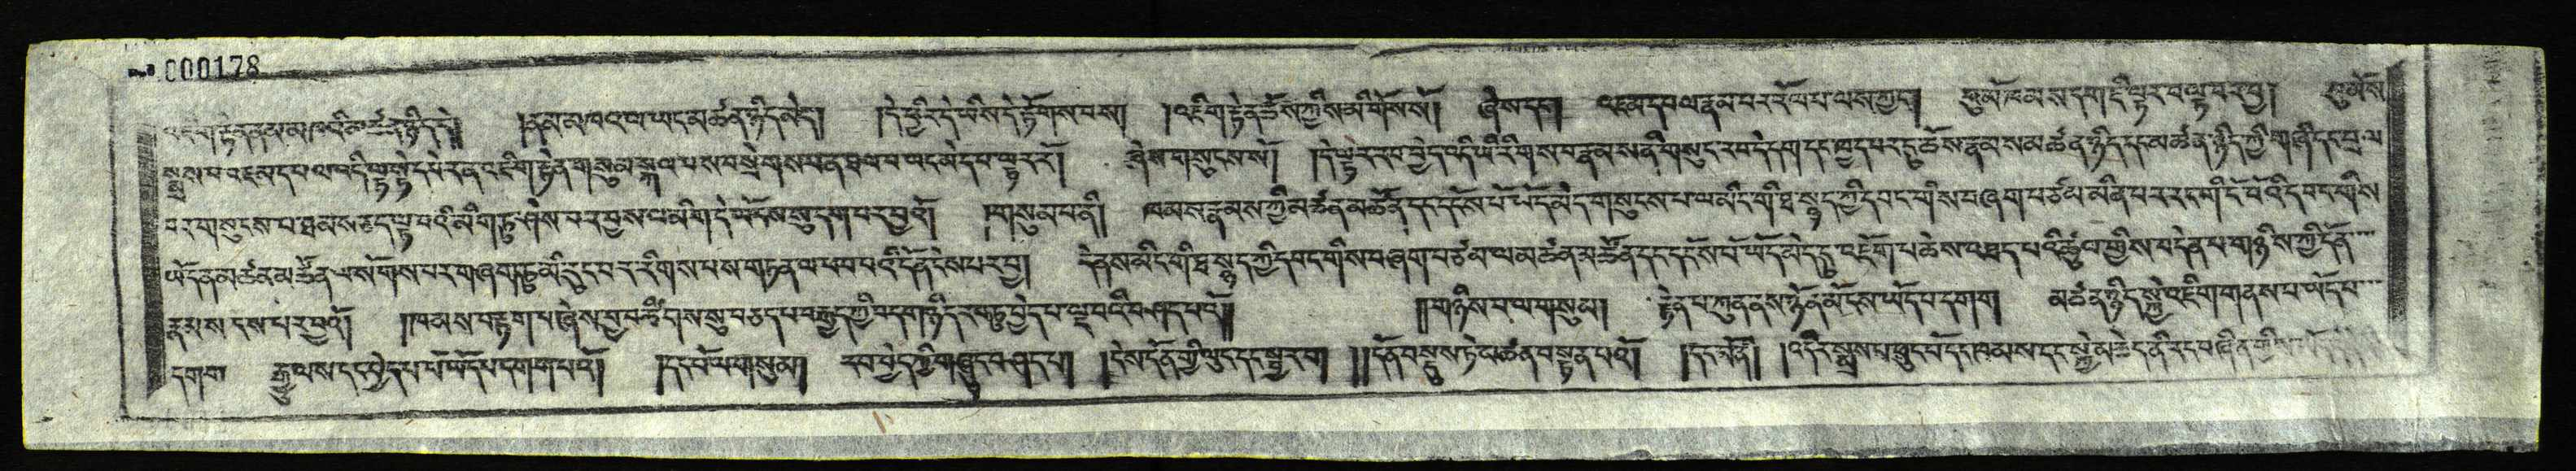འཇིག་རྟེན་ནམ་མཁའི་མཚན་ཉིད་དེ། །ནམ་མཁའ་ལ་ཡང་མཚན་ཉིད་མེད། །དེ་ཕྱིར་དེ་ཡིས་དེ་རྟོགས་པས། །འཇིག་རྟེན་ཆོས་ཀྱིས་མི་གོས་སོ། ཞེས་དང་། འཇམ་དཔལ་རྣམ་པར་རོལ་པ་ལས་ཀྱང་། བུ་མོ་ཁམས་དག་ཇི་ལྟར་བལྟ་བར་བྱ། བུ་མོས་
སྨྲས་པ་འཇམ་དཔལ་འདི་ལྟ་སྟེ་དཔེར་ན་འཇིག་རྟེན་གསུམ་སྐལ་པས་བསྲེགས་པ་ན་ཐལ་བ་ཡང་མེད་པ་ལྟར་རོ། ཞེས་གསུངས་སོ། །དེ་ལྟེར་རབ་བྱེད་འདི་ཡི་རིགས་པ་རྣམས་ནི་གསུང་རབ་དེ་དག་དང་ཁྱད་པར་དུ་ཆོས་རྣམས་མཚན་ཉིད་དང་མཚན་ཉིད་ཀྱི་གཞི་དང་བྲལ་
བར་གསུངས་པ་ཐམས་ཅད་ལྟ་བའི་མིག་ཏུ་ཤེས་པར་བྱས་པ་མིག་དེ་ཡོངས་སུ་དག་པར་བྱའོ། །གསུམ་པ་ནི། ཁམས་རྣམས་ཀྱི་མཚན་མཚོན་དང་དངོས་པོ་ཡོད་མེད་གསུངས་པ་ལ་མིང་གི་ཐ་སྙད་ཀྱི་དབང་གིས་བཞག་པ་ཙམ་མིན་པར་རང་གི་ངོ་བོའི་དབང་གིས་
ཡོད་ན་མཚན་མཚོན་ལ་སོགས་པར་གཞག་ཏུ་མི་རུང་བར་རིགས་པས་གཏན་ལ་ཕབ་པའི་དོན་ངེས་པར་བྱ། དེ་ནས་མིང་གི་ཐ་སྙད་ཀྱི་དབང་གིས་བཞག་པ་ཙམ་ལ་མཚན་མཚོན་དང་དངོས་པོ་ཡོད་མེད་དུ་འཇོག་པ་ཆེས་འཐད་པའི་ཚུལ་གྱིས་བདེན་པ་གཉིས་ཀྱི་དོན་
རྣམས་ངས་པར་བྱའོ། །ཁམས་བརྟག་པ་ཞེས་བྱ་བ་ཚིགས་སུ་བཅད་པ་བརྒྱད་ཀྱི་བདག་ཉིད་རབ་ཏུ་བྱེད་པ་ལྔ་བའི་བཤད་པའོ།། །།གཉིས་པ་ལ་གསུམ། རྟེན་པ་ཀུན་ནས་ཉོན་མོངས་ཡོད་པ་དགག་མཚན་ཉིད་སྐྱེ་འཇིག་གནས་པ་ཡོད་པ་
དགག་རྒྱུ་ལས་དང་བྱེད་པ་པོ་ཡོད་པ་དགག་པའོ། །དང་པོ་ལ་གསུམ། རབ་བྱེད་ཀྱི་གཞུང་བཤད་པ། །ངེས་དོན་གྱི་ལུང་དང་སྦྱར་བ། །།དོན་བསྡུས་ཏེ་མཚན་བསྟན་པའོ། །དང་པོ་ནི། །འདིར་སྨྲས་པ་ཕུང་པོ་དང་ཁམས་དང་སྐྱེ་མཆེད་ནི་རང་བཞིན་གྱིས་ཡོད་དེ་དེས་